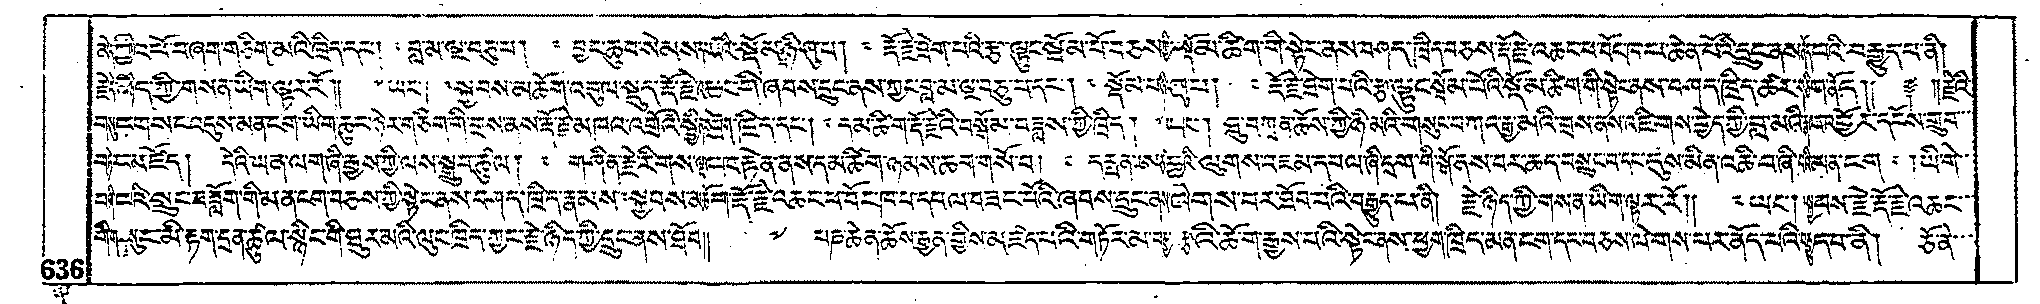མེད་ཀྱི་འཕོ་བ་ཞག་གཅིག་མའི་ཁྲིད་དང་། ༧་བླ་མ་ལྔ་བཅུ་པ། ༧་བྱང་ཆུབ་སེམས་དཔའི་སྡོམ་པ་ཉི་ཤུ་པ། ༧་རྡོ་རྗེ་ཐེག་པའི་རྩ་སྦོམ་པོ་བཅས་ཀྱི་སྡོམ་ཚིག་གི་སྟེང་ནས་བཤད་ཁྲིད་བཅས་རྡོ་རྗེ་འཆང་ཕ་བོང་ཁ་པ་ཆེན་པོའི་དྲང་ནས་ནོད་པའི་བརྒྱུད་པ་ནི།
རྗེ་དེ་ཉིད་ཀྱི་གསན་ཡིག་ལྟར་རོ།། ༧་ཡང་། ༧་སྐྱབས་མཆོག་འབུལ་སྡུད་རྡོ་རྗེ་འཆང་གི་ཞབས་དྲུང་ནས་ཀྱང་བླ་མ་ལྔ་བཅུ་པ་དང་། ༧་སྡོམ་པ་ཉི་ཤུ་པ། ༧་རྡོ་རྗེ་ཐེག་པའི་རྩ་ལྟུང་སྦོམ་པོའི་སྡོམ་ཚིག་གི་སྟེང་ནས་བཤད་ཁྲིད་ཚར་གཅིག་ནོད།། འ་༈ །།རྗེའི་
གསུང་གསང་འདུས་མན་ངག་ཡིག་ཆུང་ཉེར་གཅིག་གི་གྲས་ནས་རྡོ་རྗེ་མཁའ་འགྲོའི་སྦྱིན་སྲེག་ཁྲིད་དང་། ༧་དམ་ཚིག་རྡོ་རྗེའི་བསྒོམ་བཟླས་ཀྱི་ཁྲིད། ༧་ཡང་། ཐུ་བཀྭན་ཆོས་ཀྱི་ཉི་མའི་གསུང་བཀའ་རྒྱ་མའི་གྲས་ནས་འཇིགས་བྱེད་ཀྱི་བླ་མའི་རྣལ་འབྱོར་དངོས་གྲུབ་
གཏེར་མཛོད། དེའི་ཡན་ལག་ཞི་རྒྱས་ཀྱི་ལས་སྒྲུབ་ཚུལ། ༧་གཤིན་རྗེ་རིགས་ལྔ་ལ་བརྟེན་ནས་དམ་ཚིག་ཉམས་ཆག་གསོ་བ། ༧་དརྤན་ཨཙརྱའི་ལུགས་འཇམ་དཔལ་ཞི་དྲག་གི་སྒོ་ནས་བར་ཆད་བསྲུང་བ་དང་དུས་མིན་འཆི་བཞི་བའི་མན་ངག ༧་།ཡི་གེ་
བཞི་པའི་སྲུང་བཟློག་གི་མན་ངག་བཅས་ཀྱི་སྟེང་ནས་བཤད་ཁྲིད་རྣམས ༧་སྐྱབས་མཆོག་རྡོ་རྗེ་འཆང་ཕ་བོན་ཁ་པ་དཔལ་བཟང་པོའི་ཞབས་དྲུང་ནས་ལེགས་པར་ཐོབ་པའི་བརྒྱུད་པ་ནི། རྗེ་ཉིད་ཀྱི་གསན་ཡིད་ལྟར་རོ།། ༧་ཡང་། ༧་སྐྱབས་རྡོ་རྗེ་འཆང་
གི་གསུང་མི་རྟག་དྲན་ཚུལ་སྙིང་གི་ཐུར་མའི་ལུང་ཁྲིད་ཀྱང་རྡེ་ཉིད་ཀྱི་དྲུང་ནས་ཐོབ།། ༧་པཎ་ཆེན་ཆོས་རྒྱན་གྱིས་མཛད་པའི་གཏོར་མ་བརྒྱ་རྩའི་ཆོ་ག་རྒྱས་པའི་སྟེང་ནས་ཕྱག་ཁྲིད་མན་ངག་དང་བཅས་ལེགས་པར་ནོད་པའི་བརྒྱུད་པ་ནི། ཅོ་ནེ་